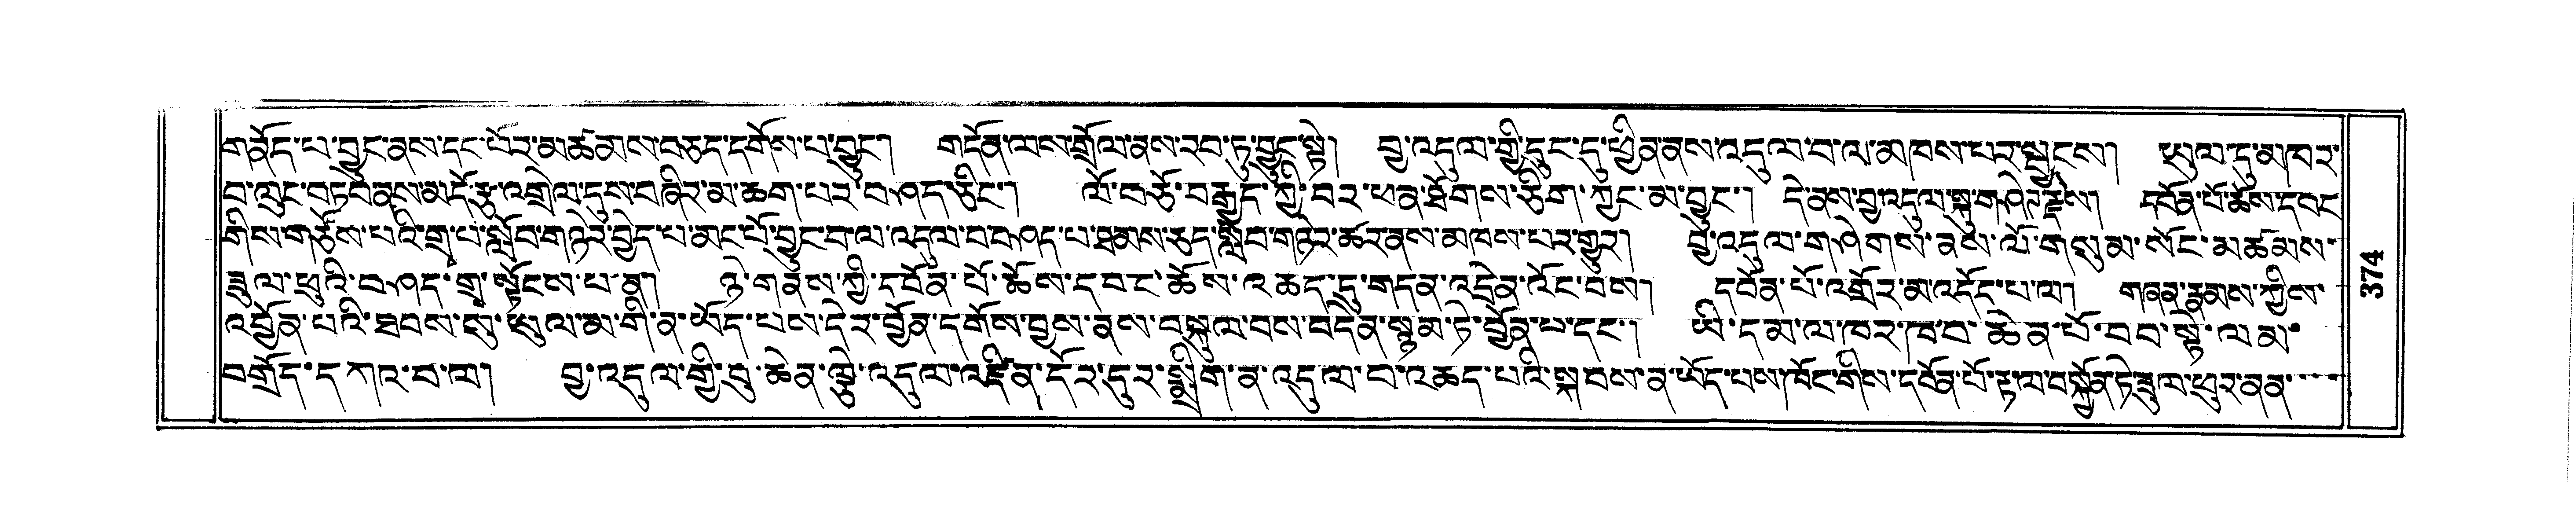གནོད་པ་བྱུང་ནས་དང་པོར་མཚམས་བཅད་དགོས་པ་བྱུང་། གདོན་ལས་གྲོལ་ནས་རབ་ཏུ་བྱུང་སྟེ། བྱ་འདུལ་གྱི་དྲུང་དུ་ཕྱིན་ནས་འདུལ་བ་ལ་མཁས་པར་སྦྱངས། ཡུལ་དུ་མཁར་
བ་ལུང་བཏབ་ནས་མདོ་རྩ་འགྲེལ་དུས་བཞིར་མ་ཆག་པར་བཤད་ཅིང་། ལོ་བཅོ་བརྒྱད་ཀྱི་བར་ཕན་ཐོགས་ཅིག་ཀྱང་མ་བྱུང་། དེ་ནས་བྱ་འདུལ་སྐུ་གཤེཊ་རྗེས། དབོན་པོ་ཆོས་དབང་
གིས་གཙོས་པའི་གྲྭ་པ་སློབ་གཉེར་བྱེད་པ་མང་པོ་བྱུང་བ་ལ་འདུལ་བ་བཤད་པ་ཐམས་ཅད་སློབ་གཉེར་ཚར་ནས་མཁས་པར་གྱུར། བྱ་འདུལ་གཤེགས་ནས་ལོ་གསུམ་སོང་མཚམས་
ཟུལ་ཕུའི་བཤད་གྲྭ་སྟོངས་པ་ན། ཉེ་གནས་ཀྱི་དབོན་པོ་ཆོས་དབང་ཆོས་འཆད་དུ་གདན་འདྲེན་འོང་བས། དབོན་པོ་འགྲོར་མ་འདོད་པ་ལ། གཞན་རྣམས་ཀྱིས་
འབྱོན་པའི་ཐབས་སུ་ཡུལ་མ་གི་ན་ཡོད་པས་དེར་བྱོན་དགོས་བྱས་ནས་བསྐུལ་བས་བདེན་སྙམ་ཏེ་བྱོན་པ་དང་། ཡི་དམ་ལ་ཁར་ཁ་བ་ཆེན་པོ་བབ་སྟེ་ལམ་བགྲོད་དཀའ་བ་ལ། བྱ་འདུལ་གྱི་བུ་ཆེན་ལྕེ་འདུལ་འཛིན་དོར་དུར་སྨྲིག་ན་འདུལ་བ་འཆད་པའི་སྐབས་ན་ཡོད་པས་ཁོང་གིས་དབོན་པོ་རྟ་ལ་བསྐྱོན་ཏེ་ཟུལ་ཕུར་ནན་